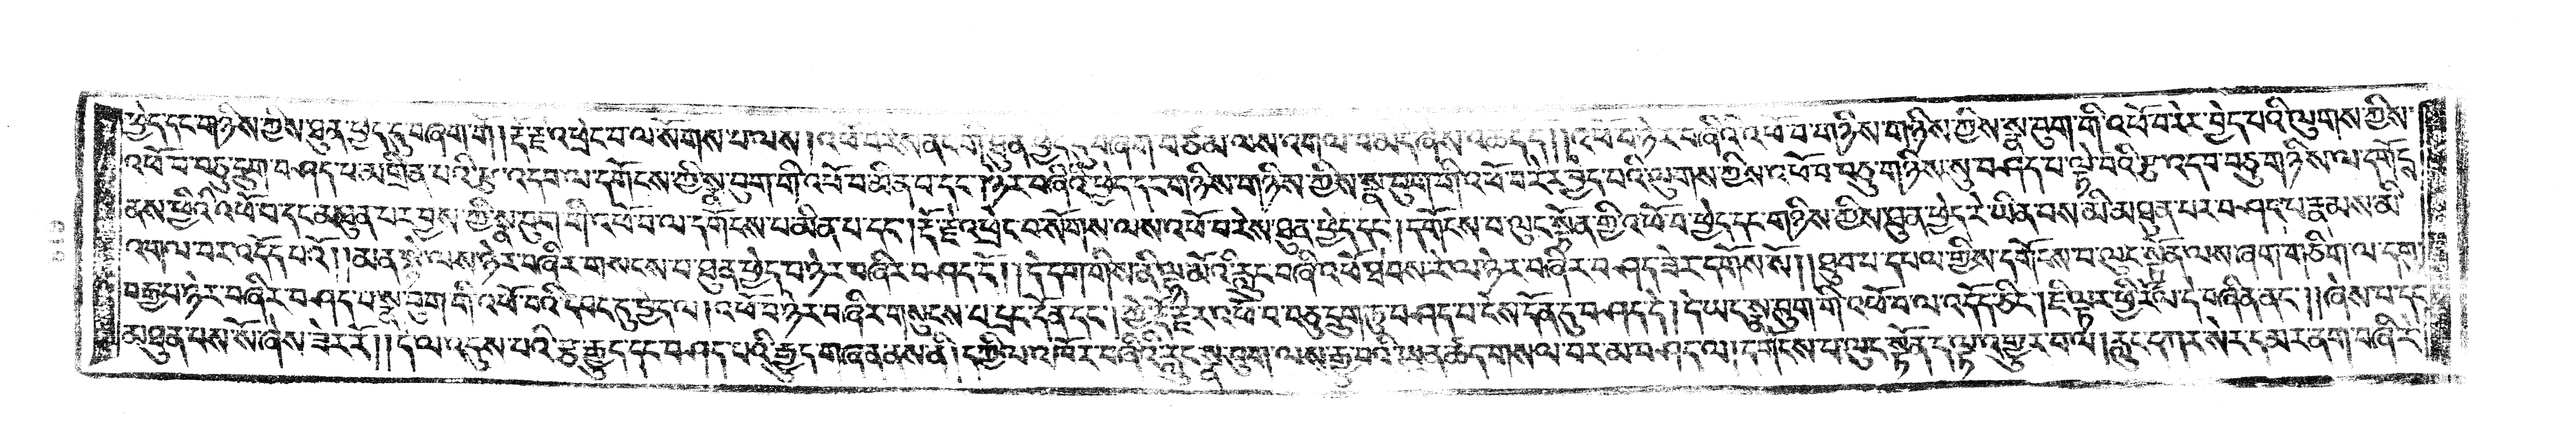ཕྱེད་དང་གཉིས་ཀྱིས་ཐུན་ཕྱེད་དུ་བཞག་གོ །རྡོ་རྗེ་འཕྲེང་བ་ལ་སོགས་པ་ལས། འཕོ་བ་རེས་ནང་གི་ཐུན་ཕྱེད་དུ་བཞག་པ་ཙམ་ལས་འགལ་བ་མེད་དོ་ཞེས་འཆད་དོ། །འཕོ་བ་ཉེར་བཞིའི་འཕོ་བ་གཉིས་གཉིས་ཀྱིས་སྣ་བུག་གི་འཕོ་བ་རེར་བྱེད་པའི་ལུགས་ཀྱིས་
འཕོ་བ་བཅུ་དྲུག་བཤད་པ་མགྲིན་པའི་རྩ་འདབ་ལ་དགོངས་ཀྱི་སྣ་བུག་གི་འཕོ་བ་མིན་པ་དང་། ཉེར་བཞིའི་ཕྱེད་དང་གཉིས་གཉིས་ཀྱིས་སྣ་བུག་གི་འཕོ་བ་རེར་བྱེད་པའི་ལུགས་ཀྱིས་འཕོ་བ་བཅུ་གཉིས་སུ་བཤད་པ་ལྟེ་བའི་རྩ་འདབ་བཅུ་གཉིས་ལ་དགོངས་
ནས་ཕྱིའི་འཕོ་བ་དང་མཐུན་པར་བྱས་ཀྱི་སྣ་བུག་གི་འཕོ་བ་ལ་དགོངས་པ་མིན་པ་དང་། རྡོ་རྗེ་འཕྲེང་བ་སོགས་ལས་འཕོ་བ་རེས་ཐུན་ཕྱེད་དང་། དགོངས་པ་ལུང་སྟོན་གྱི་འཕོ་བ་ཕྱེད་དང་གཉིས་ཀྱིས་ཐུན་ཕྱེད་རེ་ཡིན་པས་མི་མཐུན་པར་བཤད་པ་རྣམས་མི་
འགལ་བར་འདོད་པའོ། །མན་སྙེ་ལས་ཉེར་བཞིར་གསུངས་པ་ཐུན་ཕྱེད་པ་ཉེར་བཞིར་བཤད་དོ། །དེ་དག་གིས་ནི་ལྷ་མོའི་རླུང་བཞི་འཕོ་ཐེབས་རེ་ལ་ཉེར་བཞིར་བཤད་ཟེར་དགོས་སོ། །ཐུབ་པ་དཔལ་གྱིས་དགོངས་པ་ལུང་སྟོན་ལས་ཞག་གཅིག་ལ་དགུ་
བརྒྱ་པ་ཉེར་བཞིར་བཤད་པ་སྣ་བུག་གི་འཕོ་བའི་དབང་དུ་བྱེད་ལ། འཕོ་བ་ཉེར་བཞིར་གསུངས་པ་དྲང་དོན་དང་། ཀྱེ་རྡོ་རྗེར་འཕོ་བ་བཅུ་དྲུག་ཏུ་བཤད་པ་ངེས་དོན་དུ་བཤད་དེ། དེ་ཡང་སྣ་བུག་གི་འཕོ་བ་ལ་འདོད་ཅིང་། ཇི་ལྟར་ཕྱི་རོལ་དེ་བཞིན་ནང་། །ཞེས་པ་དང་
མཐུན་པས་སོ་ཞེས་ཟེར་རོ། །དེ་ལ་འདུས་པའི་རྩ་རྒྱུད་དང་བཤད་པའི་རྒྱུད་གཞན་ནས་ནི། དཀྱིལ་འཁོར་བཞིའི་རླུང་སྣ་བུག་ལས་རྒྱུ་བའི་ཡུན་ཚད་གསལ་བར་མ་བཤད་ལ། དགོངས་པ་ལུང་སྟོན་ད་ལྟ་འགྱུར་བ་ལ། རླུང་དཀར་སེར་དམར་ནག་བཞི་རེ་